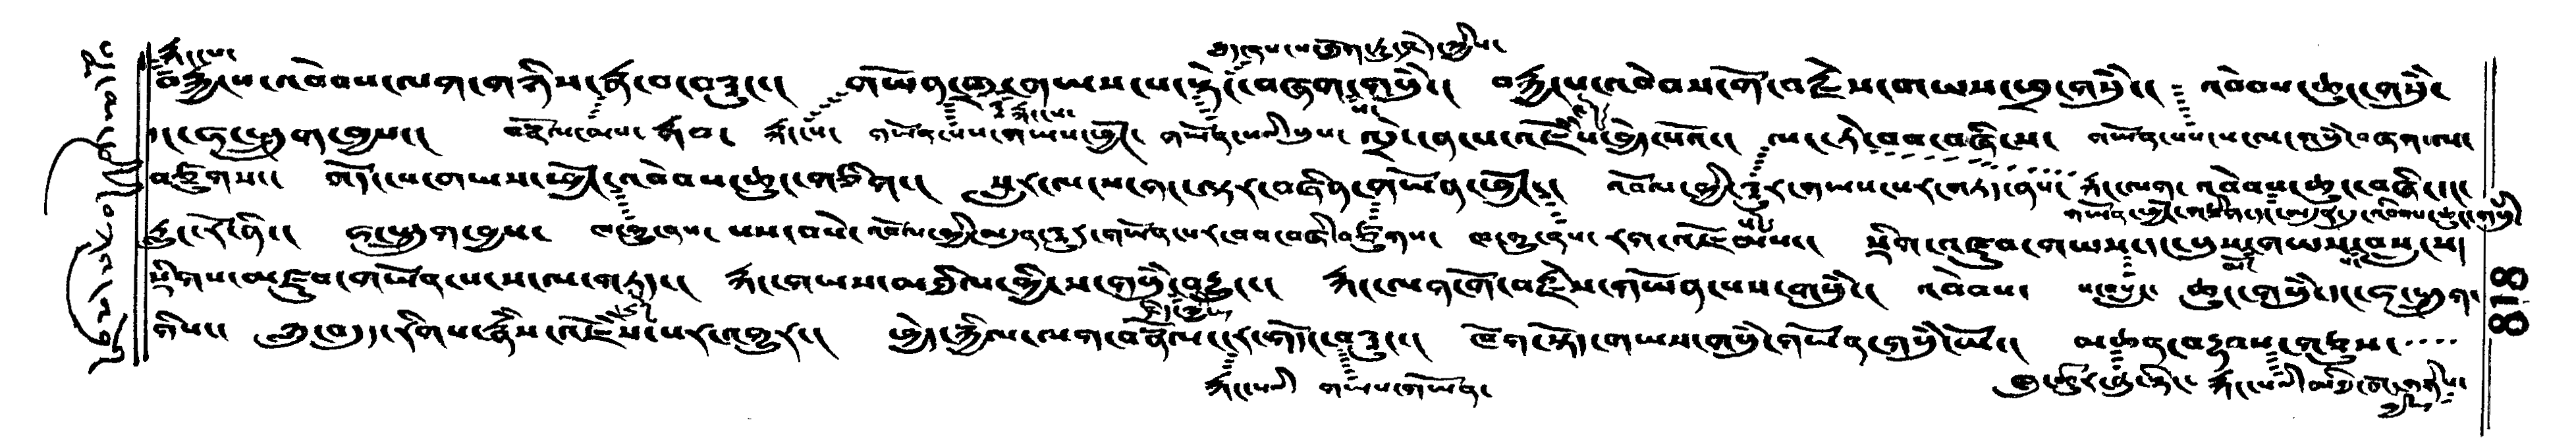།བརྐྱང་འབེབས་ལག་གཉིས་རྣ་བ་བཟུང་། །གཡོན་གྲང་གཡས་པ་སྟེང་བཞག་གསུམ། །བརྐྱང་འབེབས་གོ་བརྗེས་གཡས་ཕྲ་གསུམ། །འབེབས་ཆུང་གསུམ་
དང་ཧ་སྤྲུག་བྱས། །རྒབ་འདྲེ་ངན་པ་འཇོམས་བྱེད་པའོ། །ལངས་ཏེ་བབ་བཞི་ས་
གཙུགས། །གདོང་པ་གཡས་ཕྱོགས་འབེབས་ཆུང་གཅིག།སླར་ལ་ས་གང་ལྟར་བཞིན་གཡོན་ཕྱོགས། །འབེབས་ཆུང་བཞི་དང་
རླུང་རོ་ནི། །ཧ་སྤྲུག་བྱས་པས་བསེ་རག་འཇོམས། སྡིགས་འཛུབ་གཡས་དང་པུས་གཡས་བསླངས། །
སྡིགས་མཛུབ་གཡོན་པ་ས་ལ་གཏད། །རྐང་གཡས་མཐིལ་གྱི་ས་གསུམ་བརྡུང་། །རྐང་ལག་གོ་བརྗེས་གཡོན་པས་གསུམ། །འབེབས་ཆུང་གསུམ་དང་ཧ་སྤྲུག་
གིས། །ཀླུ་བདུད་རིགས་རྣམས་འཇོམས་པར་འགྱུར། །ཕྱེད་སྐྱིལ་ལག་བསྣོལ་ངར་གདོང་བཟུང་། ཁོག་སྟོད་གཡས་གསུམ་གཡོན་གསུམ་ཡོ། །མཆན་བརྡབ་གཅུས་